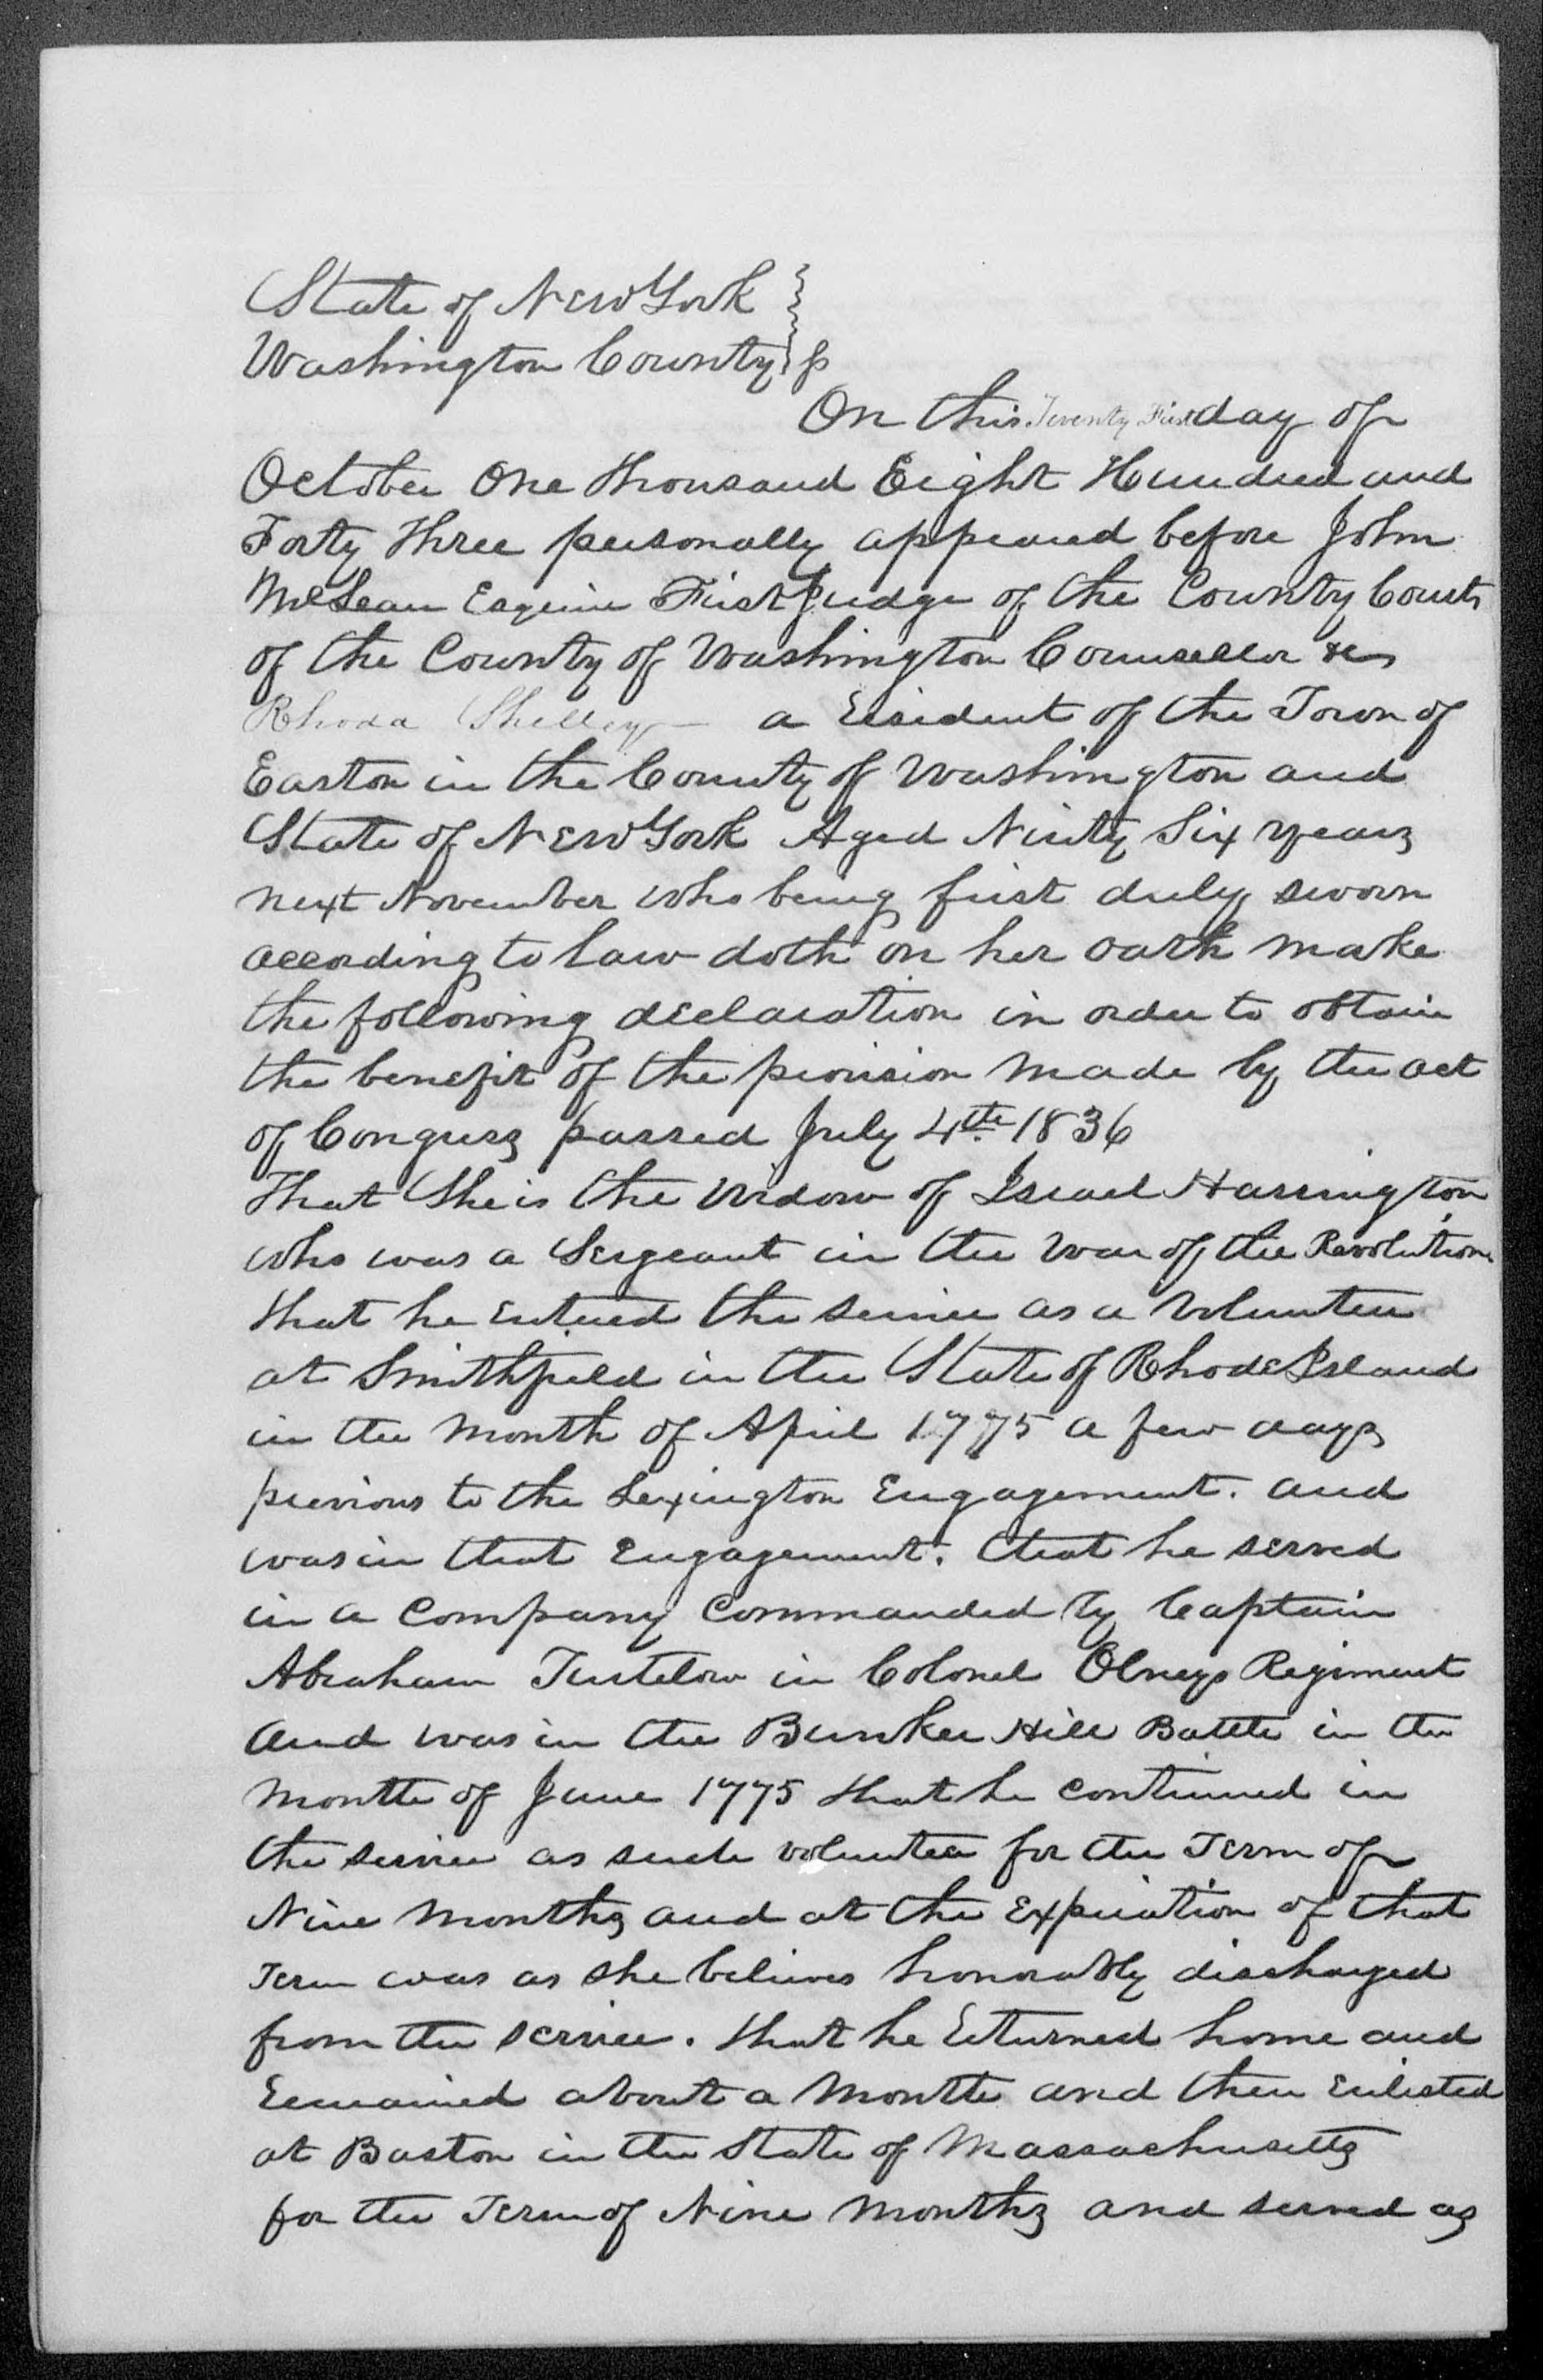State of New York
Washington County [flourish bracket] Ss

On this Twenty First day of October One Thousand Eight Hundred and Forty Three personally appeared before John McLean Esquire First Judge of the County Courts of the County of Washington Counsellor [illegible] Rhode Shelley - a resident of the Town of Easton in the County of Washington and State of New York Aged Ninety Six years next November who being first duly sworn according to law doth on her oath make the following declaration in order to obtain the benefit of the pension made by the act of Congress passed July 4th 1836

That she is the widow of Israel Harrington who was a Sergeant in the War of the Revolution at Smithfield in the State of Rhode Island in the month of April 1775 a few days previous to the Lexington Engagement, and was in that Engagement, that he served in a company commanded by Captain Abraham Turtelow in Colonel Olneys [Olney's] Regiment and was in the Bunker Hill Battle in the month of June 1775 that he continued in the service as such volunteer for the term of nine months and at the Expedition of that term was as she believes honorably discharged from the service. That he returned home and remained about a month and then enlisted at Boston in the State of Massachusetts for the Term of nine months and served as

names: Abraham Turtelow, Rhoda Shelley, John Mc Lean, Isreal Harrington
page: 4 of 51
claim: widow's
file: W. 19,026, Israel Harrington, R.I.